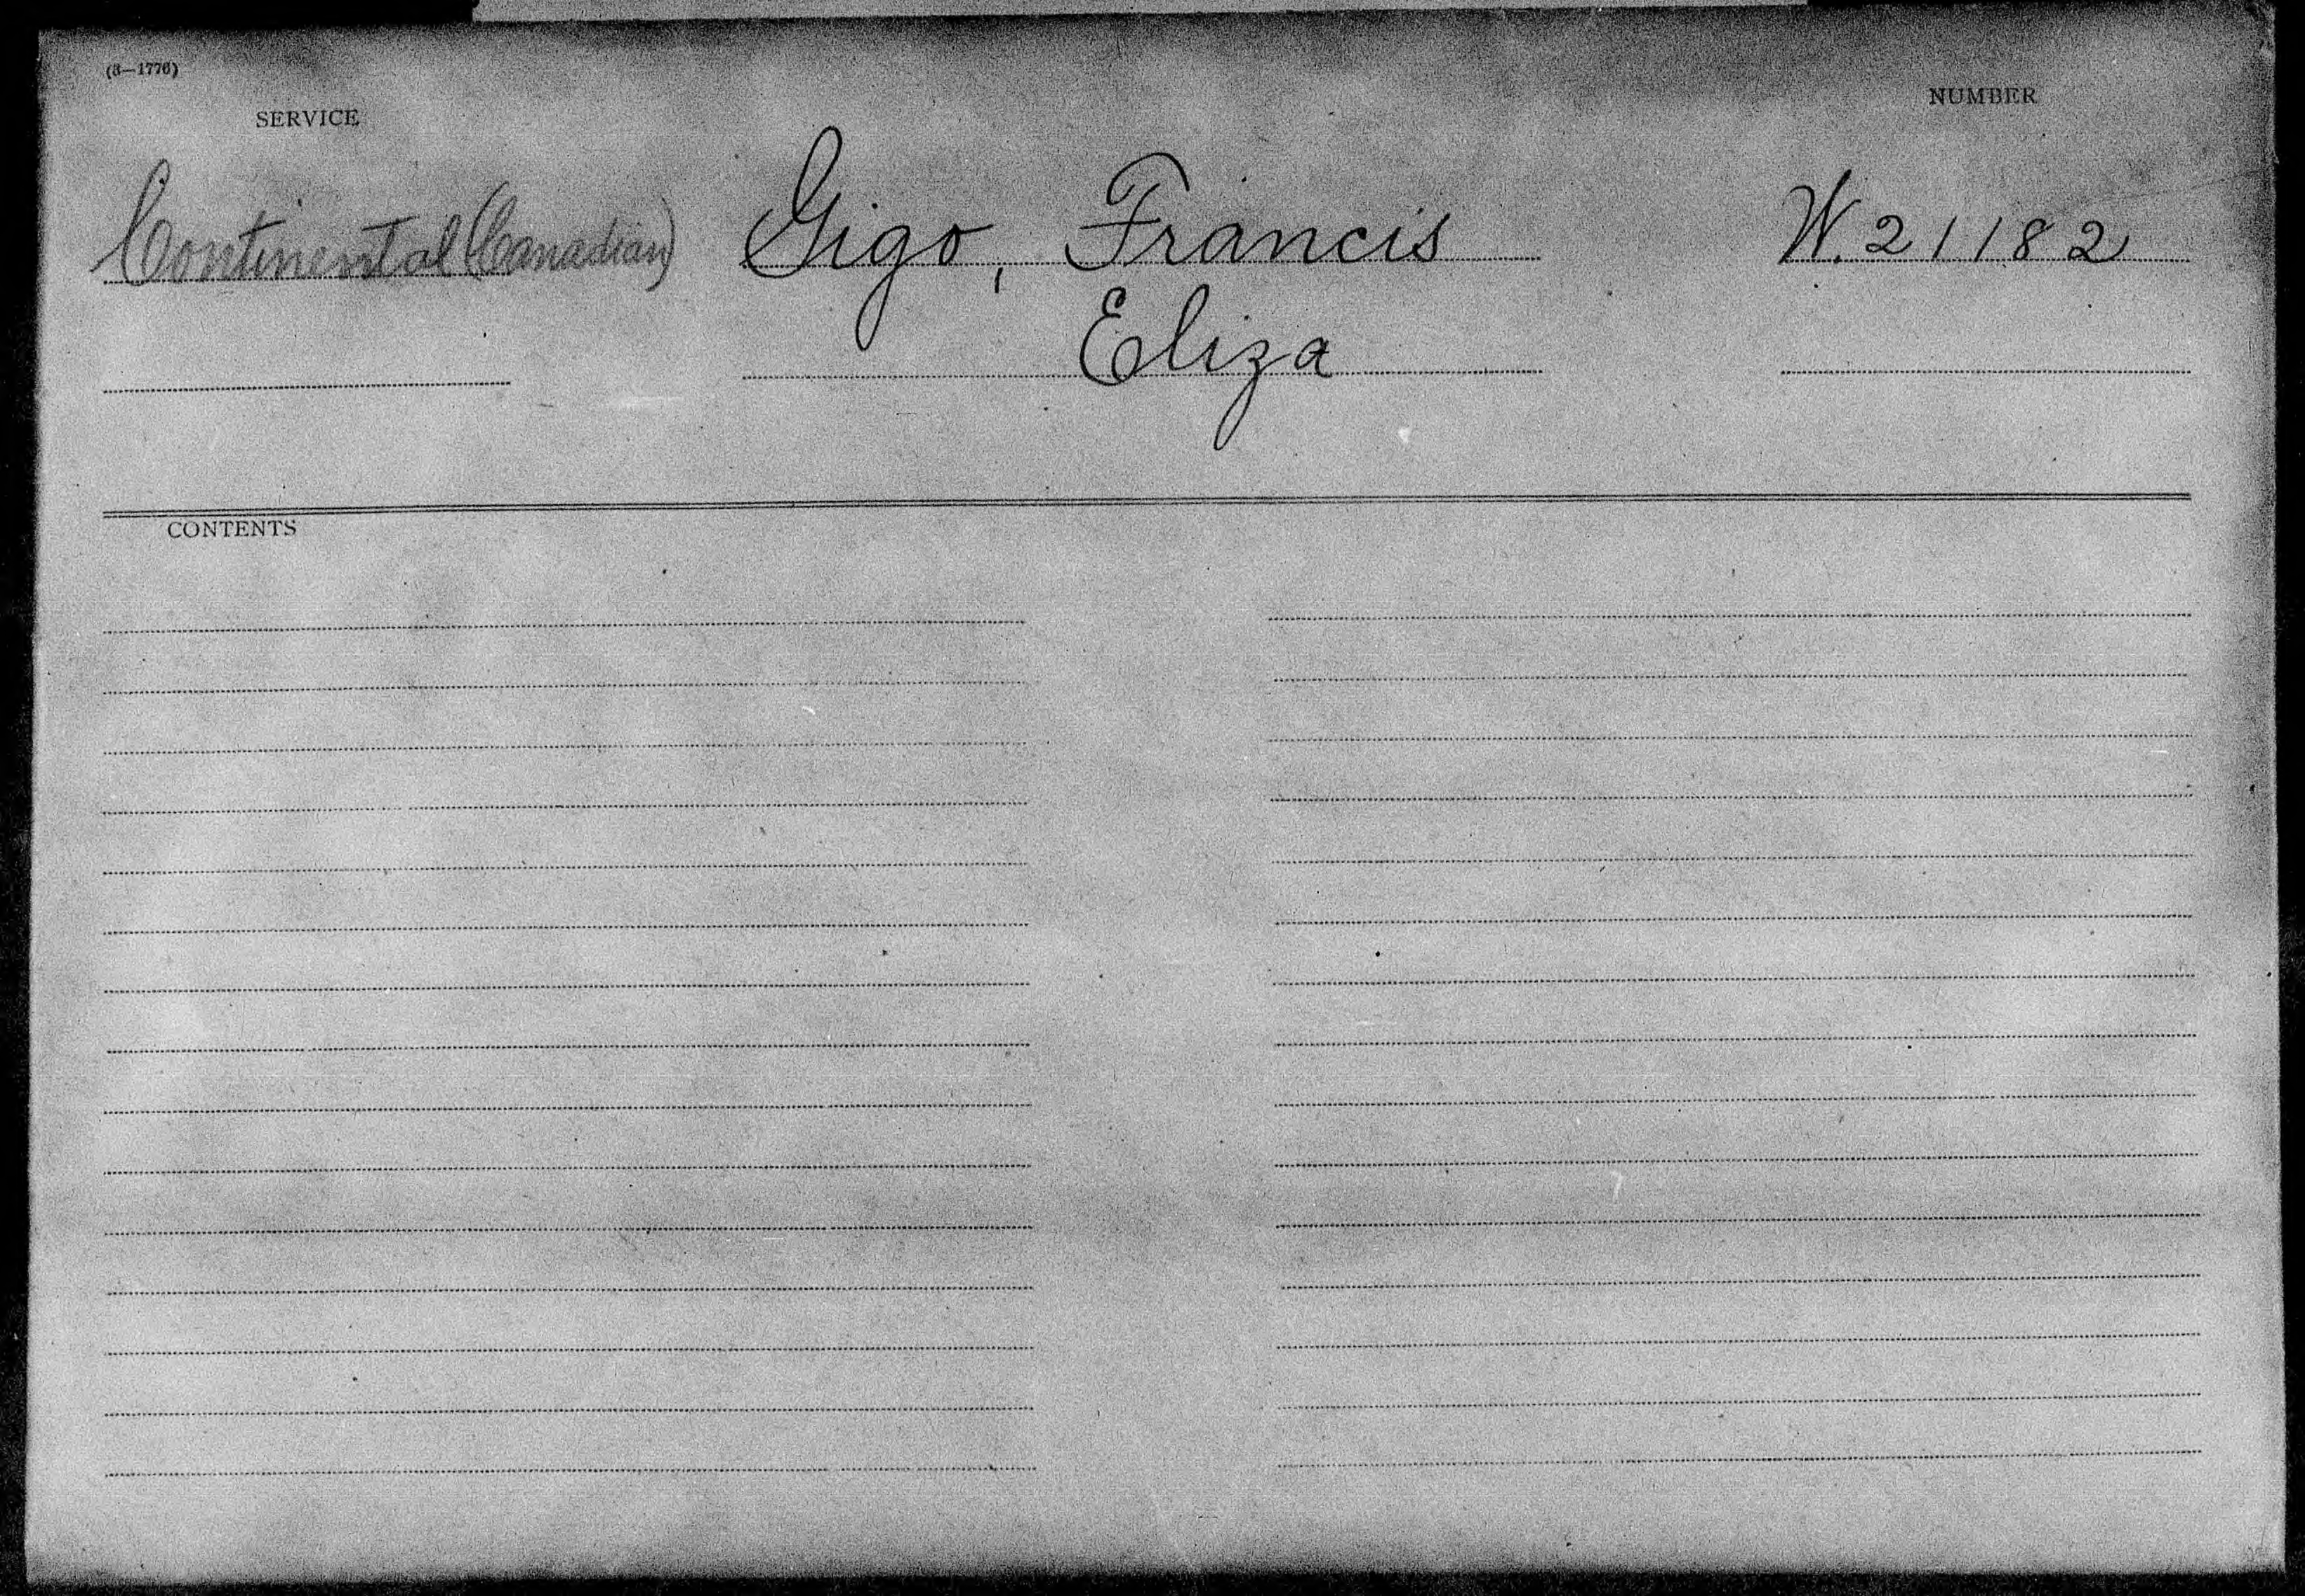Continental (Canadian)
Gigo, Francis, Eliza
W21182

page: 1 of 98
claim: widow's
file: W. 21182, Francis Gigo, Continental (Canadian)